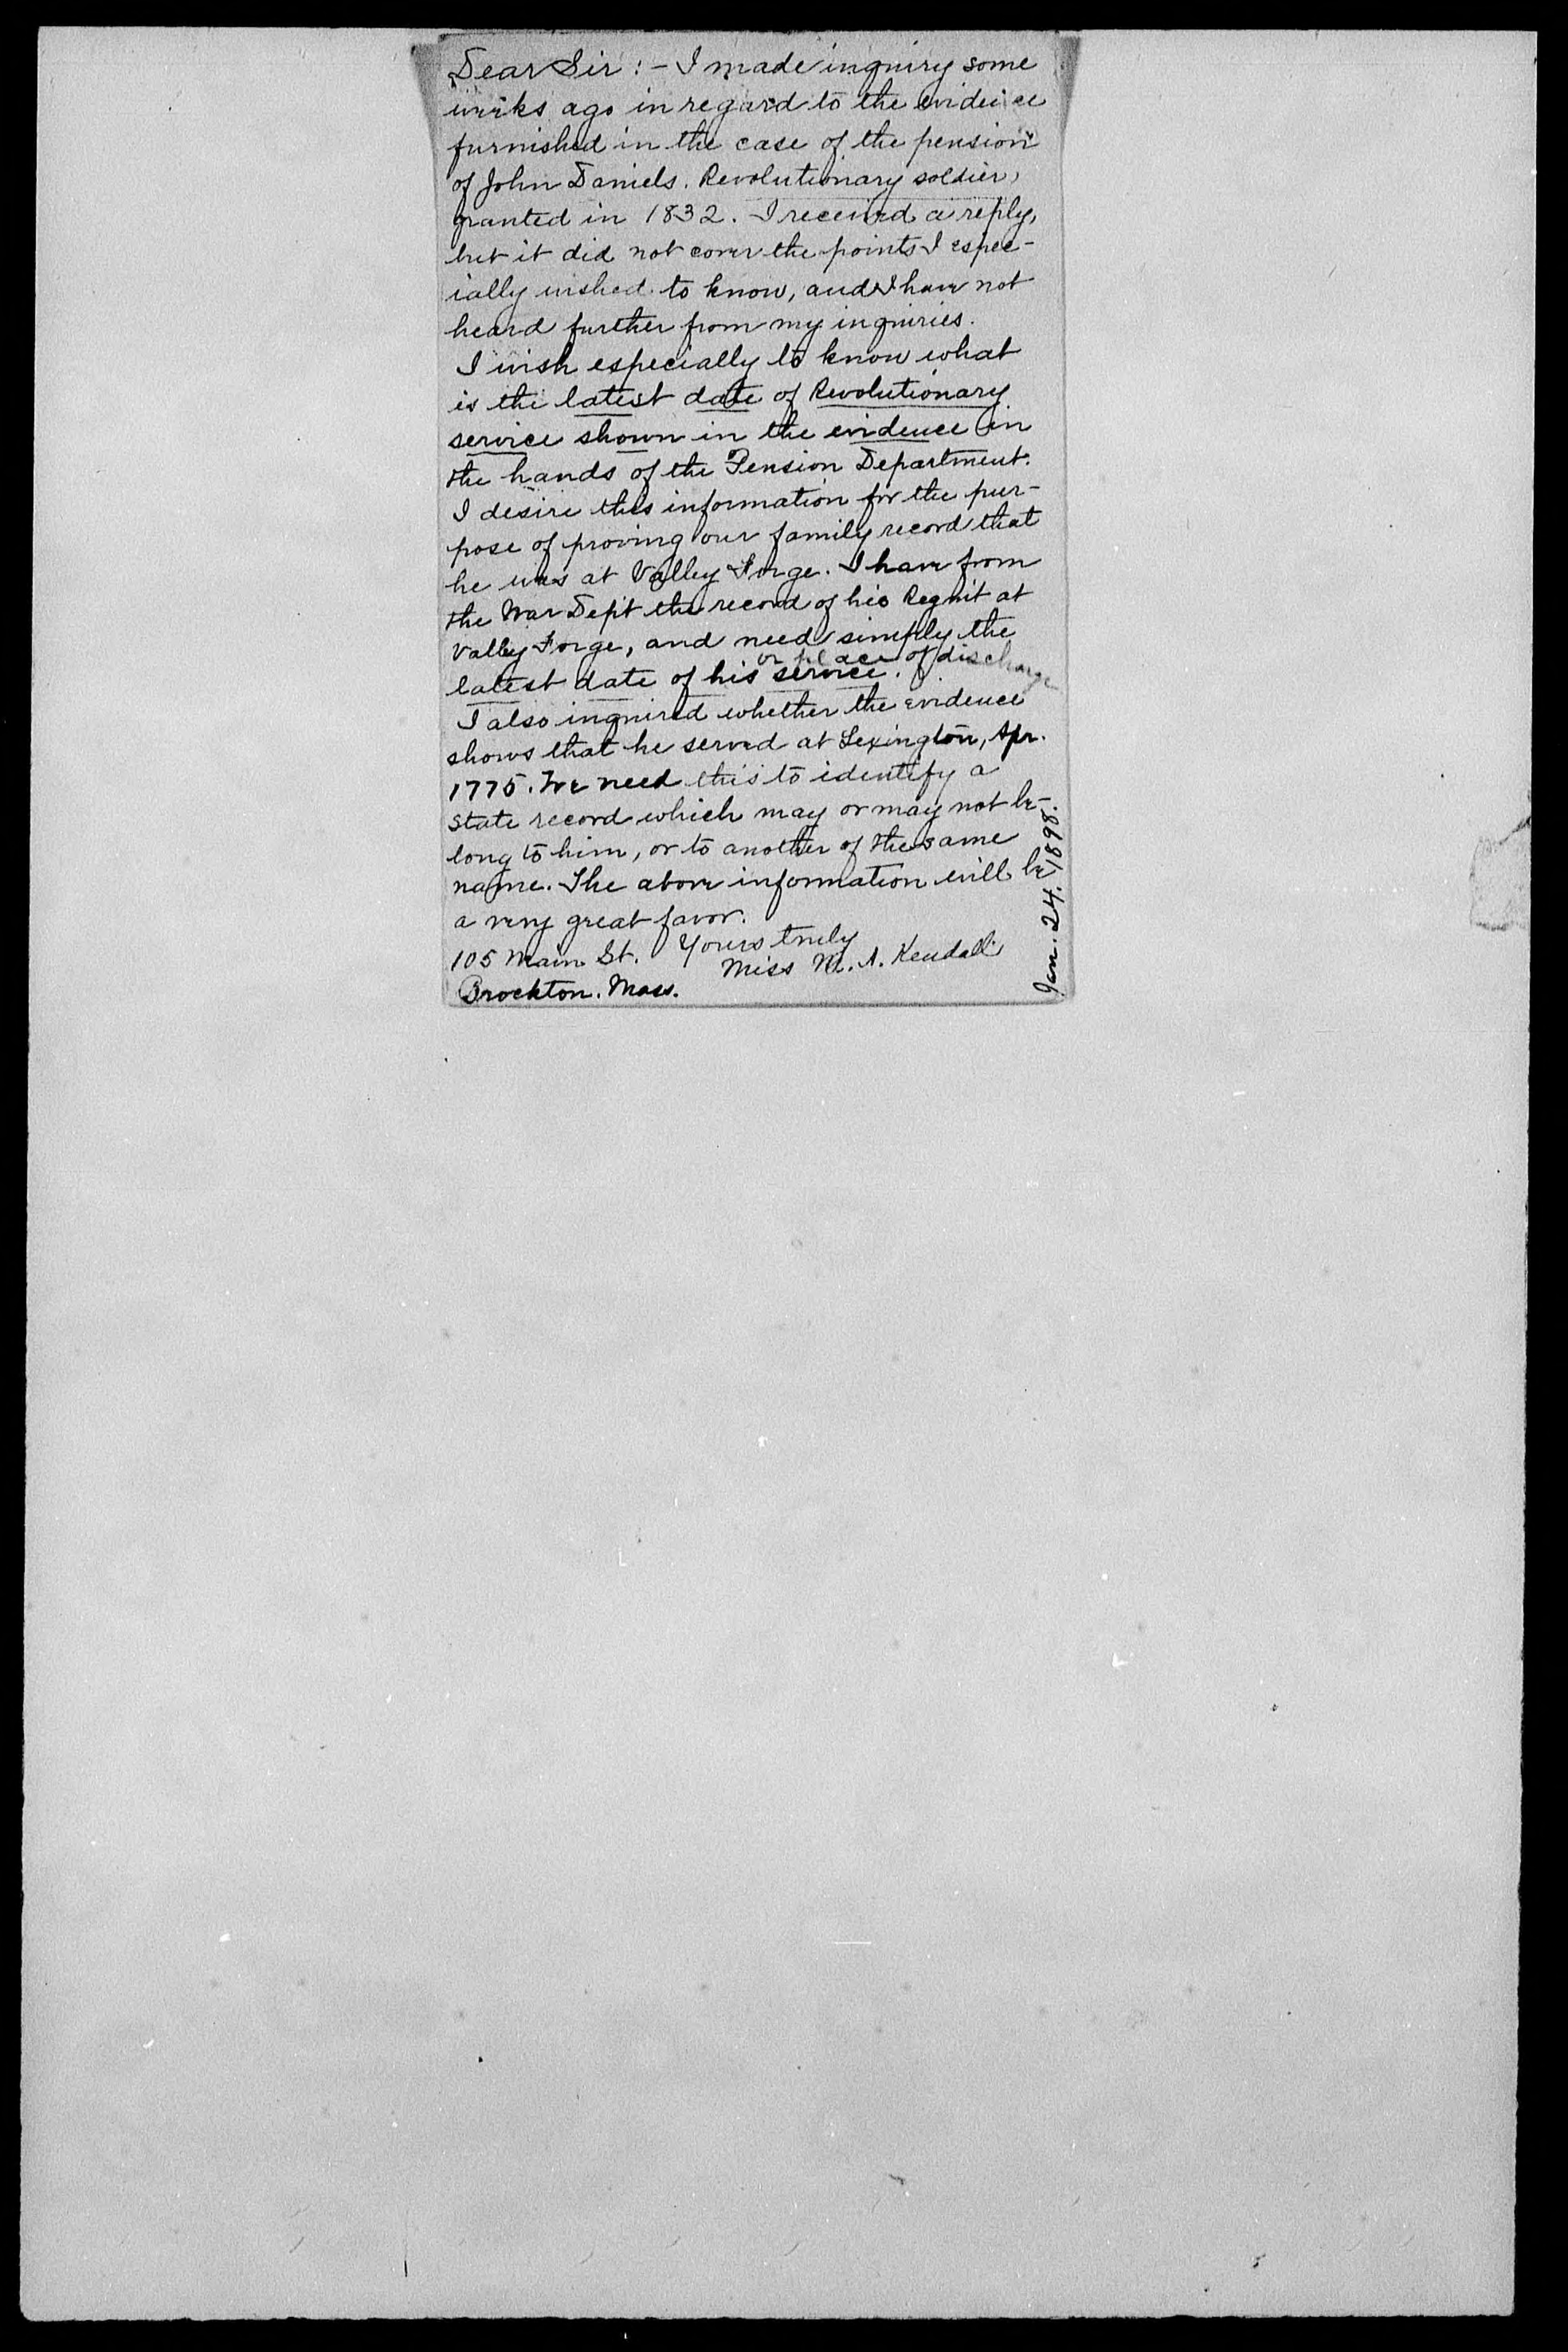Dear Sir: - I made inquiry some weeks ago in regard to the evidence furnished in the case of the pension of John Daniels, Revolutionary soldier, granted in 1832.  I received a reply, but it did not cover the points I especially wished to know, and I have not heard further from my inquiries,  I wish especially to know what is the latest date of Revolutionary service shown in the evidence [many words underlined] in the hands of the Pension Department.  I desire this information for the purpose of proving our family record that he was at Valley Forge.  I have from the War Department the record of his Regmt. at Valley Forge, and need simply the latest date of his service [underlined] or place of discharge.
I also inquired whether the evidence shoes that he served at Lexington, Apr. 1775.  We need this to identify a State record which may or mat not belong to him, or to another of the same name.  The above information will be a very great favor.
Yours truly,
[signed] Miss M. A. Kendall
105 Main St.
Brockton, Mass.
Jan. 24, 1898.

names: John Daniels, M A Kendall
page: 38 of 43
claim: widow's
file: W 683, John Daniels, Continental Mass. N.H.